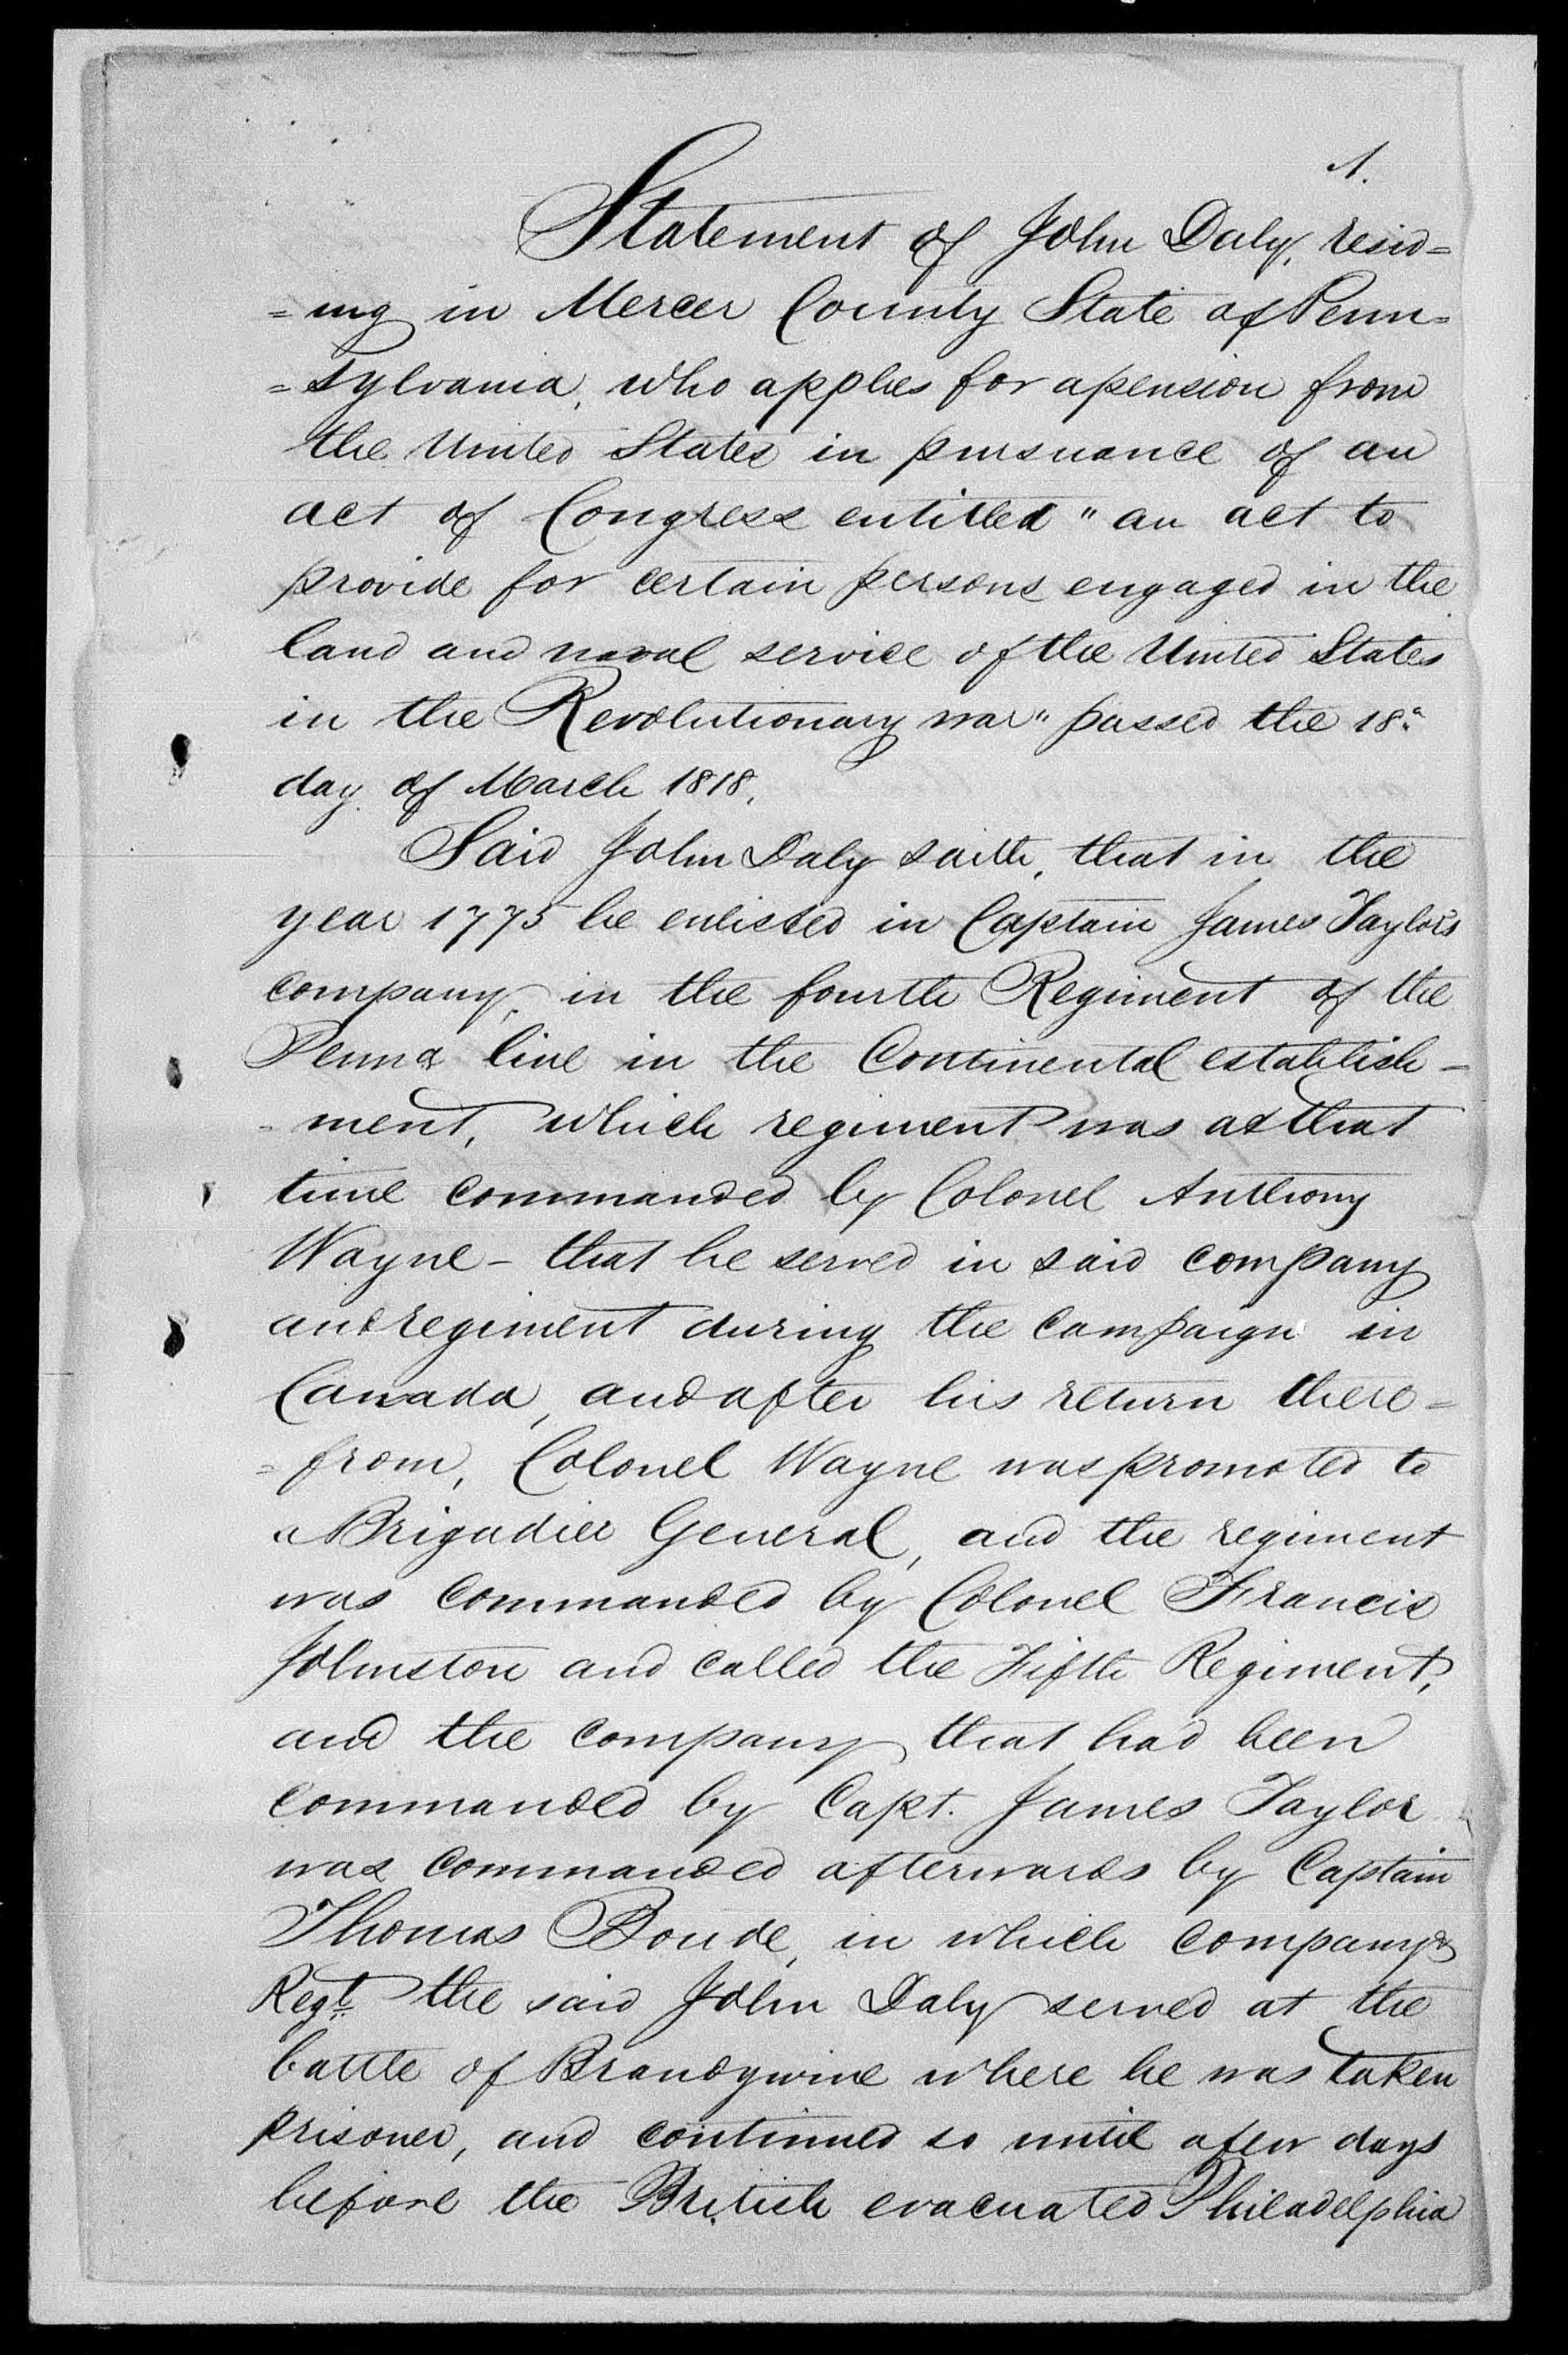1.

Statement of John Daly, residing in Mercer County State of Pennsylvania, who applies for a pension from the United States in pursuance of an act of Congress entitled "an act to provide for certain persons engaged in the land and naval service of the United States in the Revolutionary war" passed the 18th day of March 1818.
Said John Daly saith that in the year 1775 he enlisted in Captain James Taylor's company in the fourth Regiment of the Penna line in the Continental establishment, which regiment was at that time commanded by Colonel Anthony Wayne- that he served in said company and regiment during the campaign in Canada, and after his return therefrom, Colonel Wayne was promoted to a Brigadier General, and the regiment was commanded by Colonel Francis Johnston and called the Fifth Regiment, and the company that had been commanded by Capt. James Taylor was commanded afterwards by Captain Thomas Boude, in which company & Regt. the said John Daly served at the battle of Brandywine where he was taken prisoner, and continued so until after days before the British evacuated Philadelphia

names: James Taylor, John Daly, John Daly, John Daly, Anthony Wayne, Francis Johnston, Thomas Boude, Wayne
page: 48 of 63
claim: widow's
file: W. 3228, John Daly, Penn.